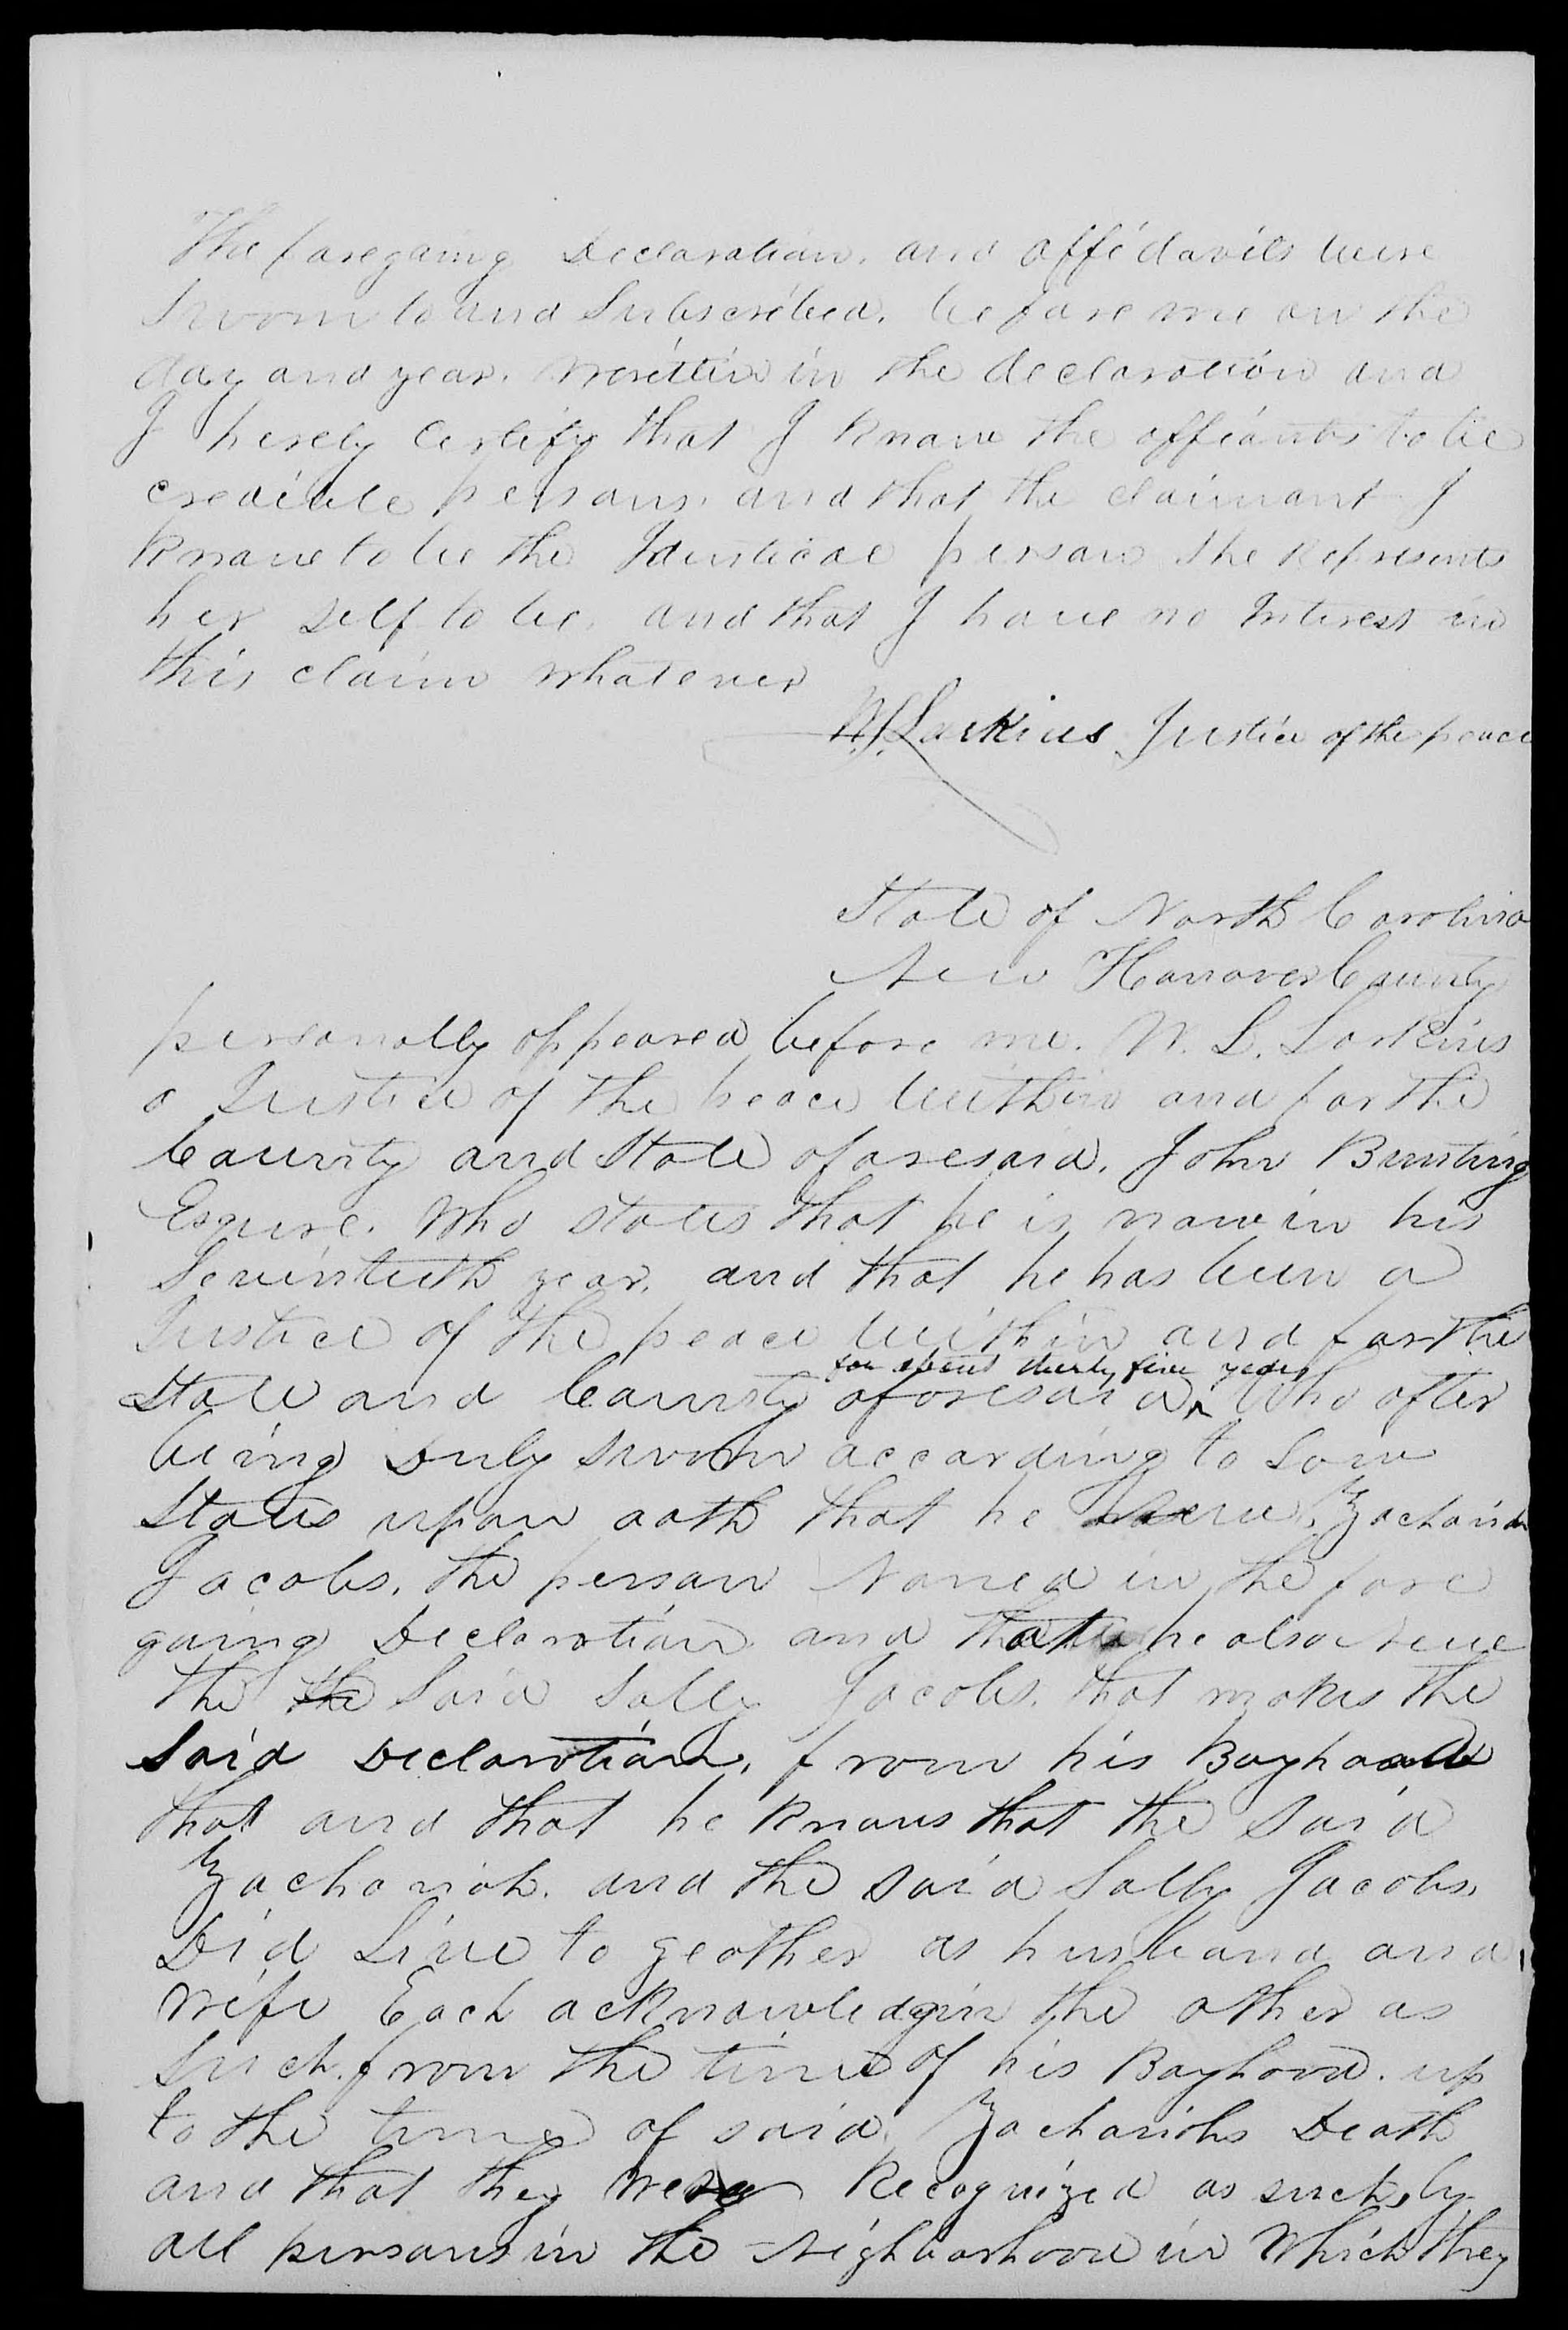The foregoing Declaration and affidavits were Sworn to and Subscribed before me on the day and year mentioned in the declaration and I hereby certify that I know the affiants to be credible persons and that the claimant I know to be the Identical person she represents her self to be  and that I have no interest in this claim whatever
     [Signature]  W.L. Sarkins  Justice of the Peace

                                      State of North Carolina
                                        New Hanover County
personally appeared before me W.L Sarkins a Justice of the Peace within and for the County and State aforesaid.  John Bunting Esquire.  Who states that he is now in his seventieth year. and that he has been a Justice of the peace within and for the State and County aforesaid [the phrase "for about thirty five years" is inserted from above]  for about thirty five years who after being duly sworn according to law States upon oath that he knew Zachariah Jacobs. the person Named in the foregoing Declaration and that he also knew the [the word "the" is also crossed out]said Sally Jacobs that makes the Said Declaration, from his Boyhood that and that he knows that the said Zachariah and the said Sally Jacobs, Did Live to geather as husband and wife Each acknowledgin the other as Such from the time of his Boyhood, up to the time of said Zachariahs Death and that they were Recognized as such, by all persons in the neighborhood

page: 14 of 40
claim: widow's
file: W. 5304, for Zachariah Jacobs, North Carolina